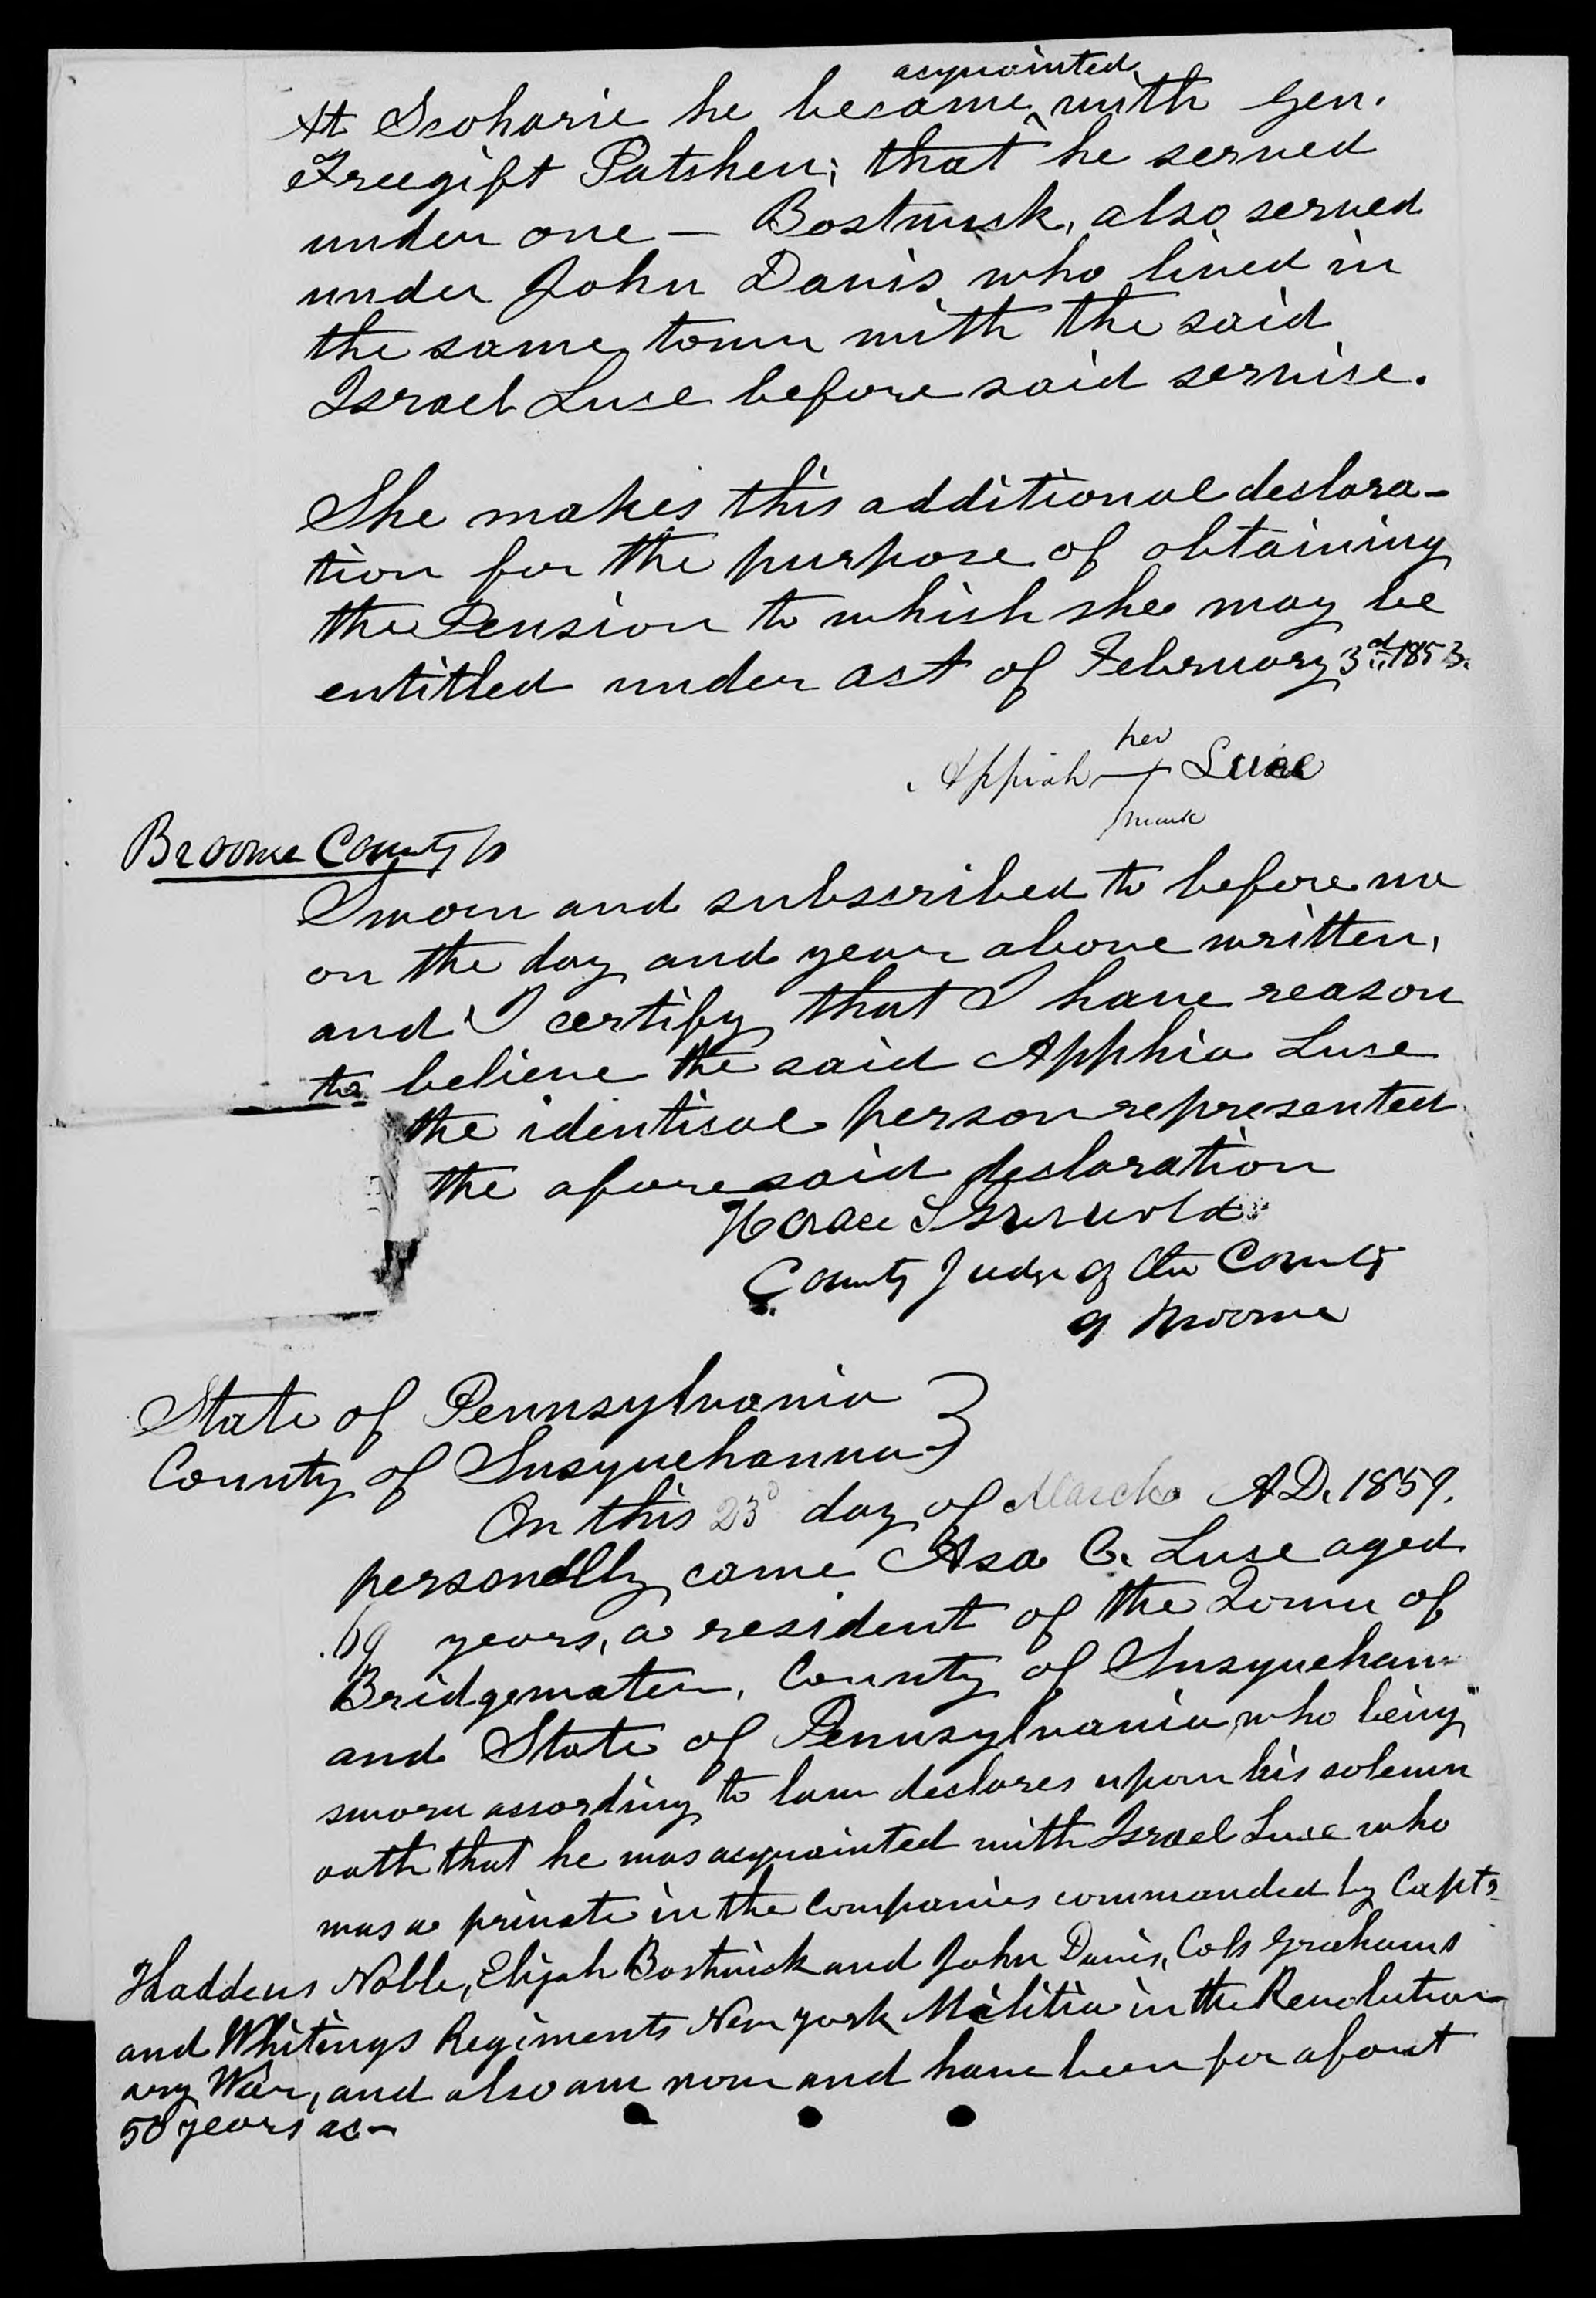at Scoharie he became acquainted with Gen. Freegift Patshen; that he served under one Bostwick also served under, also served under John Davis who lived in the same town with the said Israel Luce before said service.

She makes this additional declaration for the purpose of obtaining the Pension to which she may be entitled under Act of February 3rd, 1853.
[signed]
Appiah Luce
X her mark

Broome County

Sworn and subscribed to before me on the day and year above written, and I certify that I have reason to believe the said Apphia Luce the identical person represented [illegible] the aforesaid declaration 
[signed]
Horace S Griswold
County Judge of the County of Broome

State of Pennsylvania
County of Susquehanna

On this 23rd day of March AD. 1859, personally came Asa C. Luce aged 69 years, a resident of the Town of Bridgewater, County of Susquehanna and State of Pennsylvania, who bein sworn according to law declares upon his solemn oath that he was acquainted with Israel Luce who was a private in the companies commanded by Capt. Thaddeus Noble, Elijah Bostwick and John Davis, Cols. Grishams and Whitneys Regiments New York Militia in the Revolutionary War, and also are now and have been for about 50 years a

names: Horace S Griswold; Apphiah Luce; Thaddeus Noble; Elijah Bostwick; Israel Luce; [BLANK] Bostwick; Asa C Luce; John Davis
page: 4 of 70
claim: rejected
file: R. 6510, for Israel Luce, New York